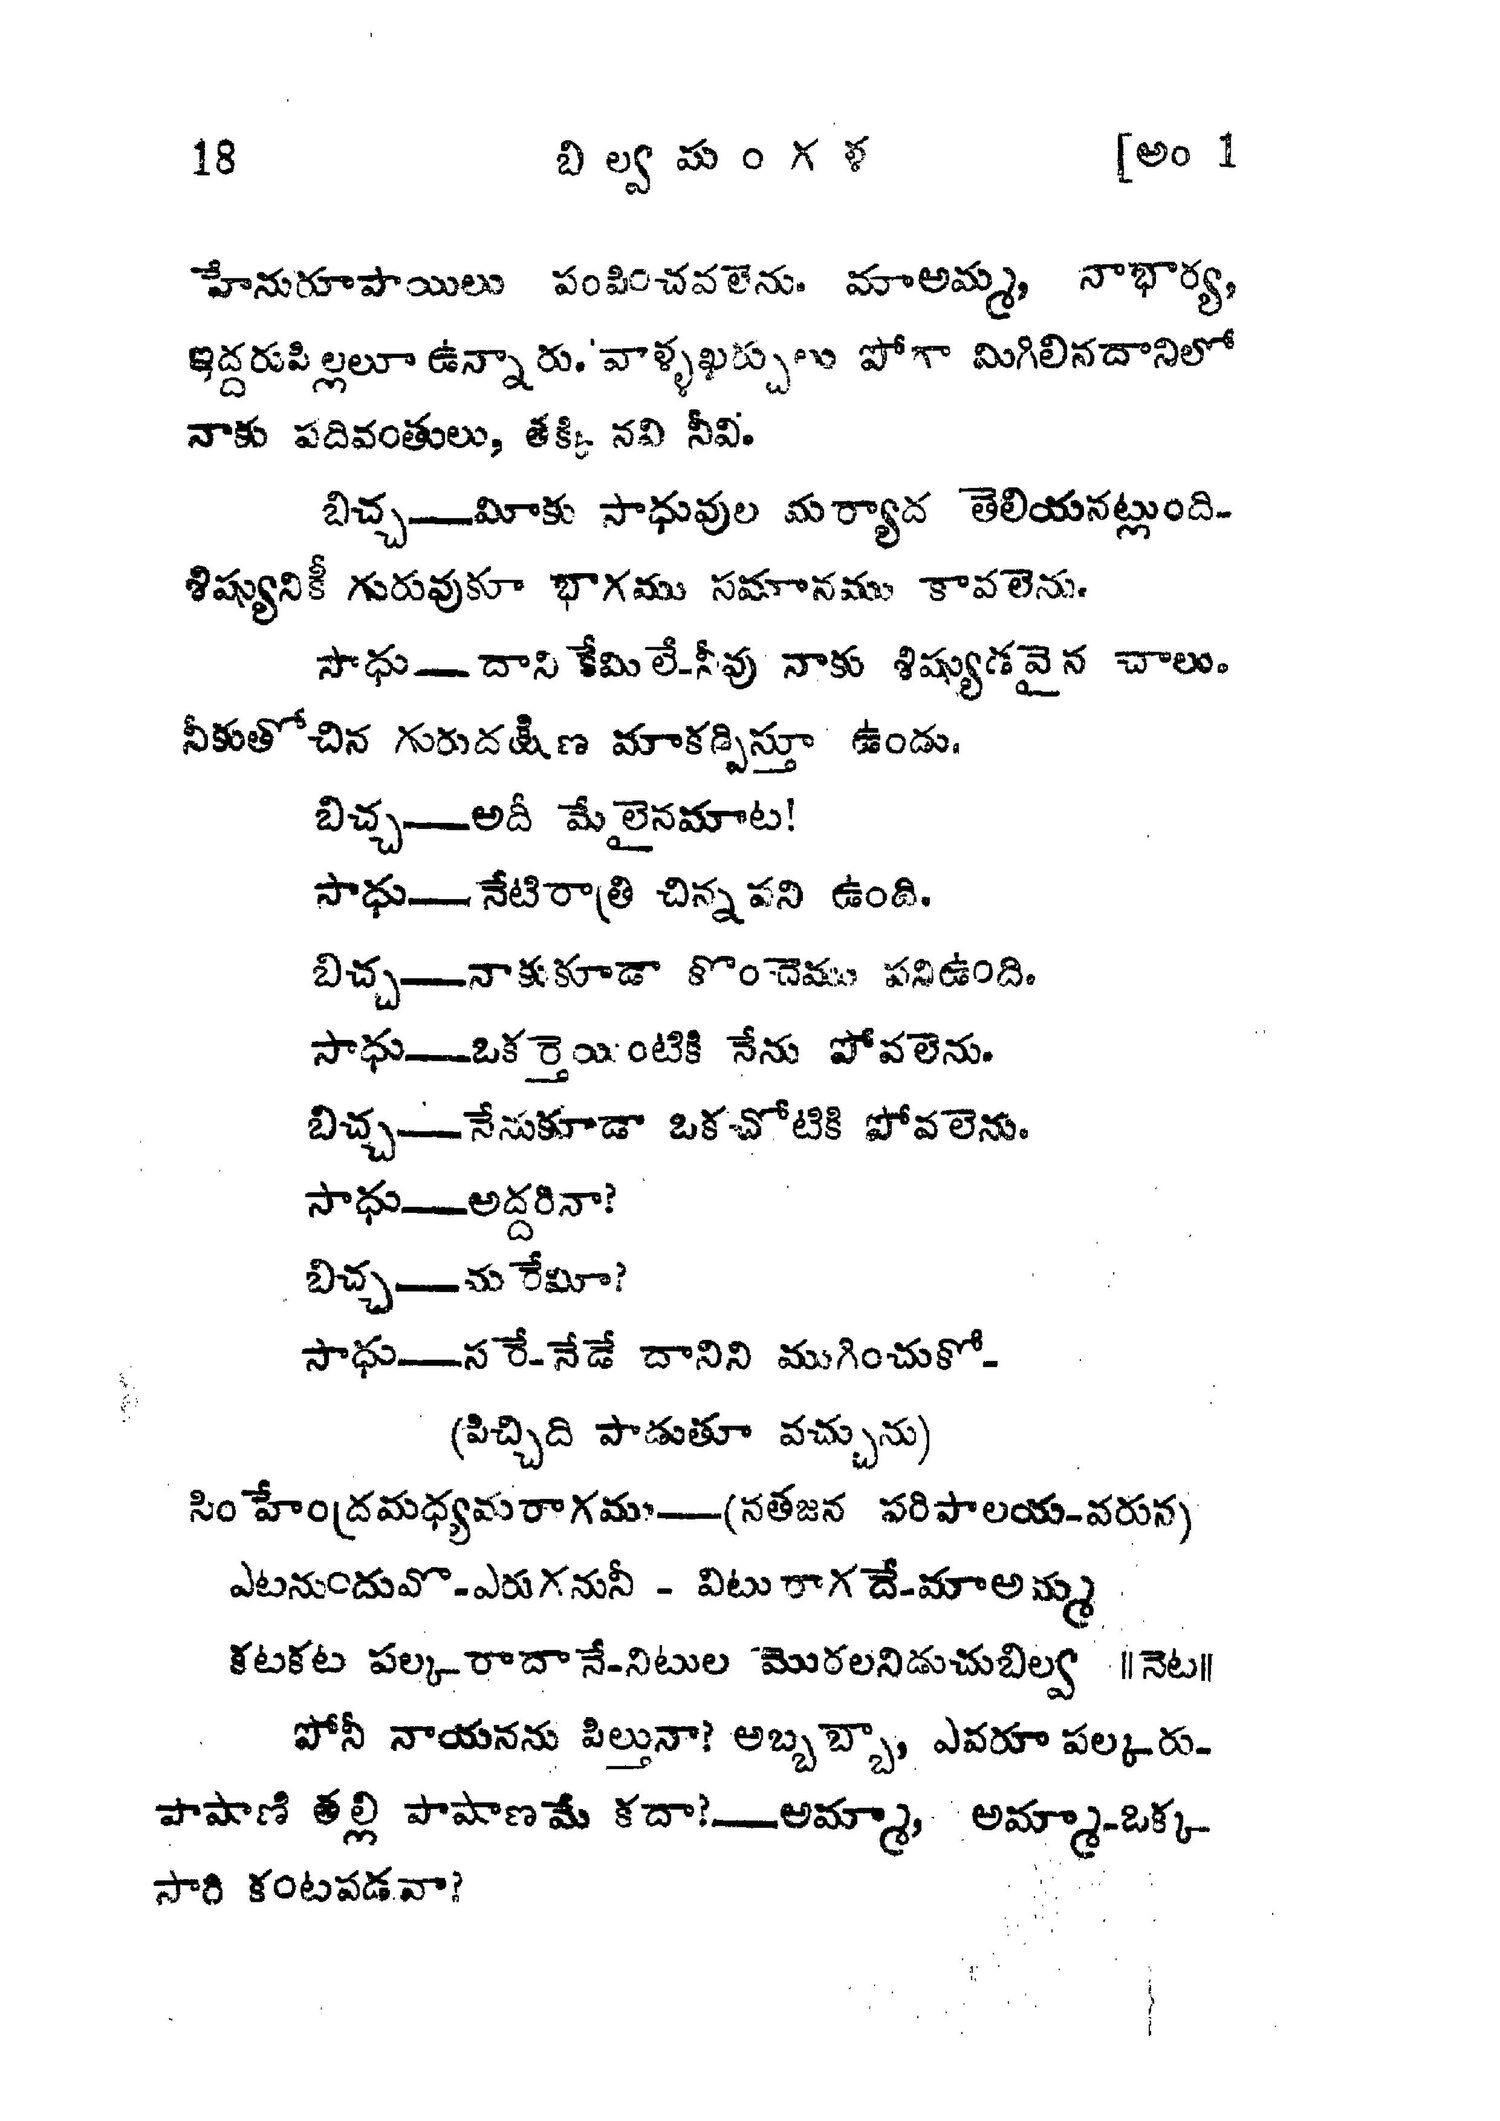హేనురూపాయిలు పంపించవలెను. మా అమ్మ, నాభార్య, ఇద్దరుపిల్లలూ ఉన్నారు. వాళ్ళఖర్చులు పోగా మిగిలినదానిలో నాకు పదివంతులు, తక్కినవి నీవి.

బిచ్చ - మీకు సాధువుల మర్యాద తెలియనట్లుంది - శిష్యునికీ గురువుకూ భాగము సమానము కావలెను.

సాధు - దానికేమిలే - నీవు నాకు శిష్యుడవైన చాలు. నీకుతోచిన గురుదక్షిణ మాకర్పిస్తూ ఉండు.

బిచ్చ - అదీ మేలైనమాట!

సాధు - నేటిరాత్రి చిన్నపని ఉంది.

బిచ్చ - నాకుకూడా కొంచెము పనిఉంది.

సాధు - ఒకర్తెయింటికి నేను పోవలెను.

బిచ్చ - నేనుకూడా ఒకచోటికి పోవలెను.

సాధు - అద్దరినా?

బిచ్చ - మరేమీ?

సాధు - సరే - నేడే దానిని ముగించుకో -

సింహేంద్రమధ్యమరాగము - (నతజన పరిపాలయ - వరుస)

 ఎటనుందువొ - ఎరుగనునీ - విటురాగదే - మాఅమ్మ
 కటకట పల్కరాదా నే - నిటుల మొరలనిడుచుబిల్వ ||నెట||

పోనీ నాయనను పిల్తునా? అబ్బబ్బా, ఎవరూ పల్కరు - పాషాణి తల్లి పాషాణమే కదా? - అమ్మా, అమ్మా - ఒక్క సారి కంటపడవా?